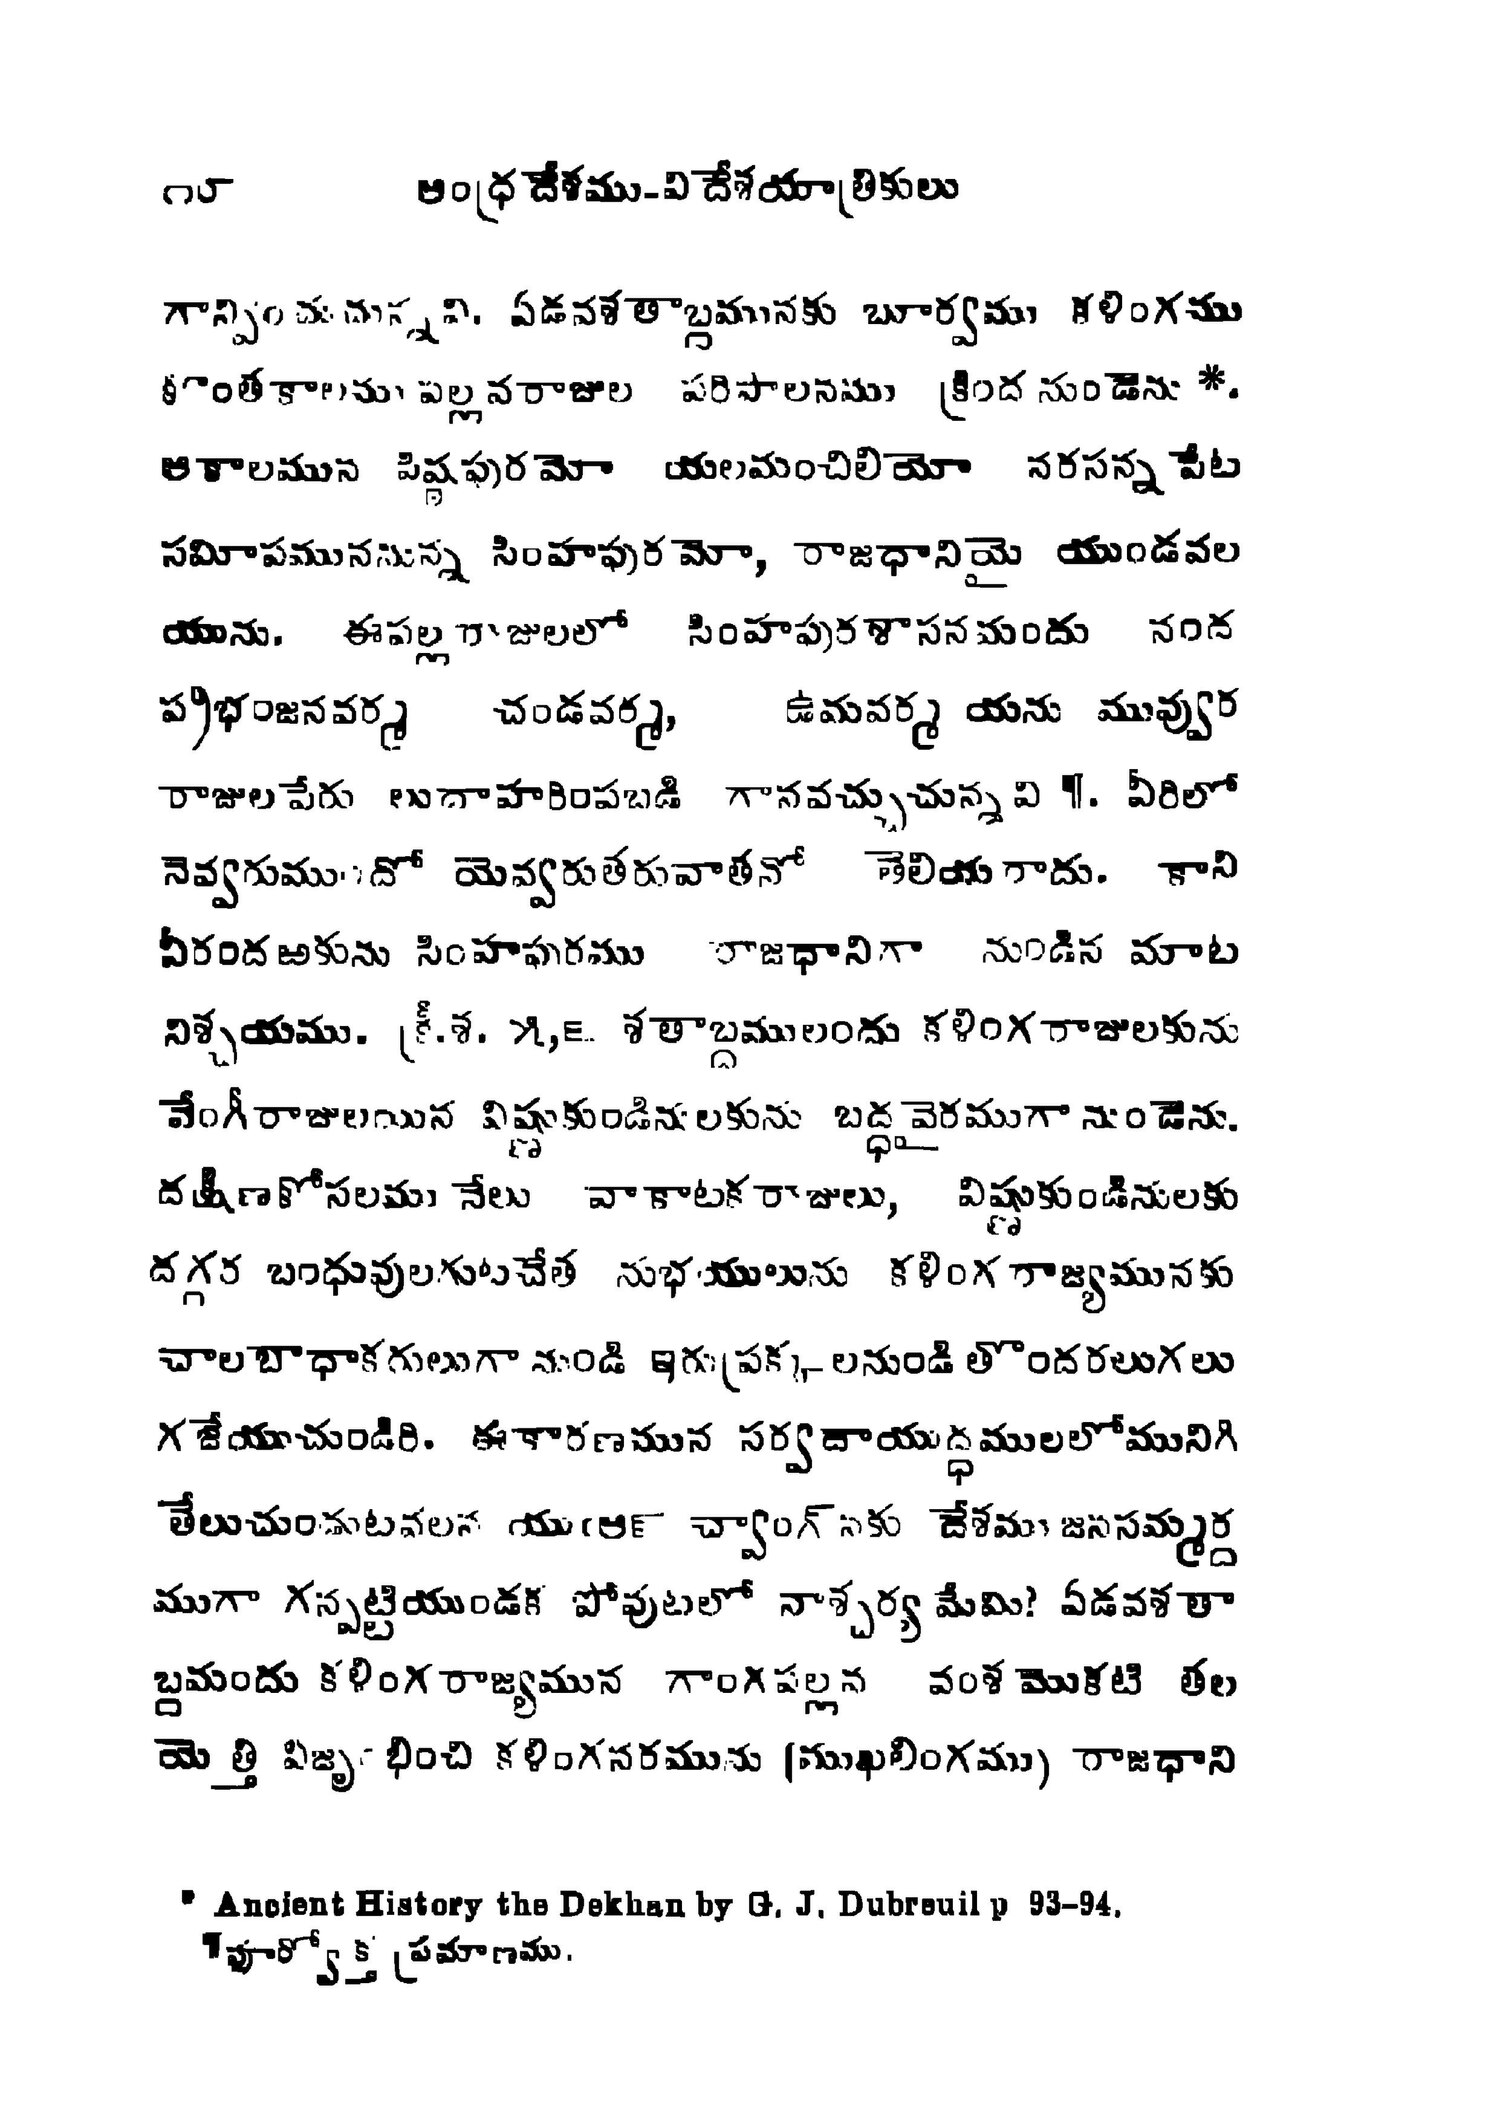గాంపించుచున్నవి. ఏడవశతాబ్దమునకు బూర్వము కళింగము కొంతకాలము పల్లవరాజుల పరిపాలనము క్రింద నుండెను. ఆకాలమున పిష్ఠపురమో యలమంచిలియా, నరసన్నపేట సమిాపముననున్న సింహపురమో, రాజధానియై యుండవలయును. ఈపల్లవ రాజులలో సింహపురశాసనమందు నంద ప్రభంజనవర్మ, చండవర్మ, ఉమవర్మ యను మువ్వు ర రాజులపేరు లుదాహరింపబడి గానవచ్చుచున్నవి. వీరిలో నెవ్వరుముందో యెవ్వరు తరువాతనో తెలియరాదు. కాని వీరందఱకును సింహపురము రాజధానిగా నుండిన మాట నిశ్చయము. క్రీ. శ. ౫, ౬ శతాబ్దములందు కళింగరాజులకును వేంగిరాజులయిన విష్ణుకుండినులకును బద్ధవైరముగా నుండెను. దక్షిణకోసలము నేలు వాకాటకరాజులు, విష్ణుకుండినులకు దగ్గర బంధువులగుటచేత నుభయులును కళింగరాజ్యమునకు చాలభాధాకరులుగా నుండి ఇరుప్రక్కలనుండి తొందరలు గలుగ జేయుచుండిరి. ఈ కారణమున సర్వదా యుద్ధములలో మునిగి తేలుచుండుటవలన యుఁఆన్‌ చ్వాంగ్‌నకు దేశము జనసమ్మర్దముగా గన్పట్టియుండక పోవుటలో నాశ్చర్యమేమి? ఏడవశతాబ్దమందు కళింగరాజ్యమున గాంగపల్లవ వంశమొకటి తలయెత్తి విజృంభించి కళింగనగరమును (ముఖలింగము) రాజధాని